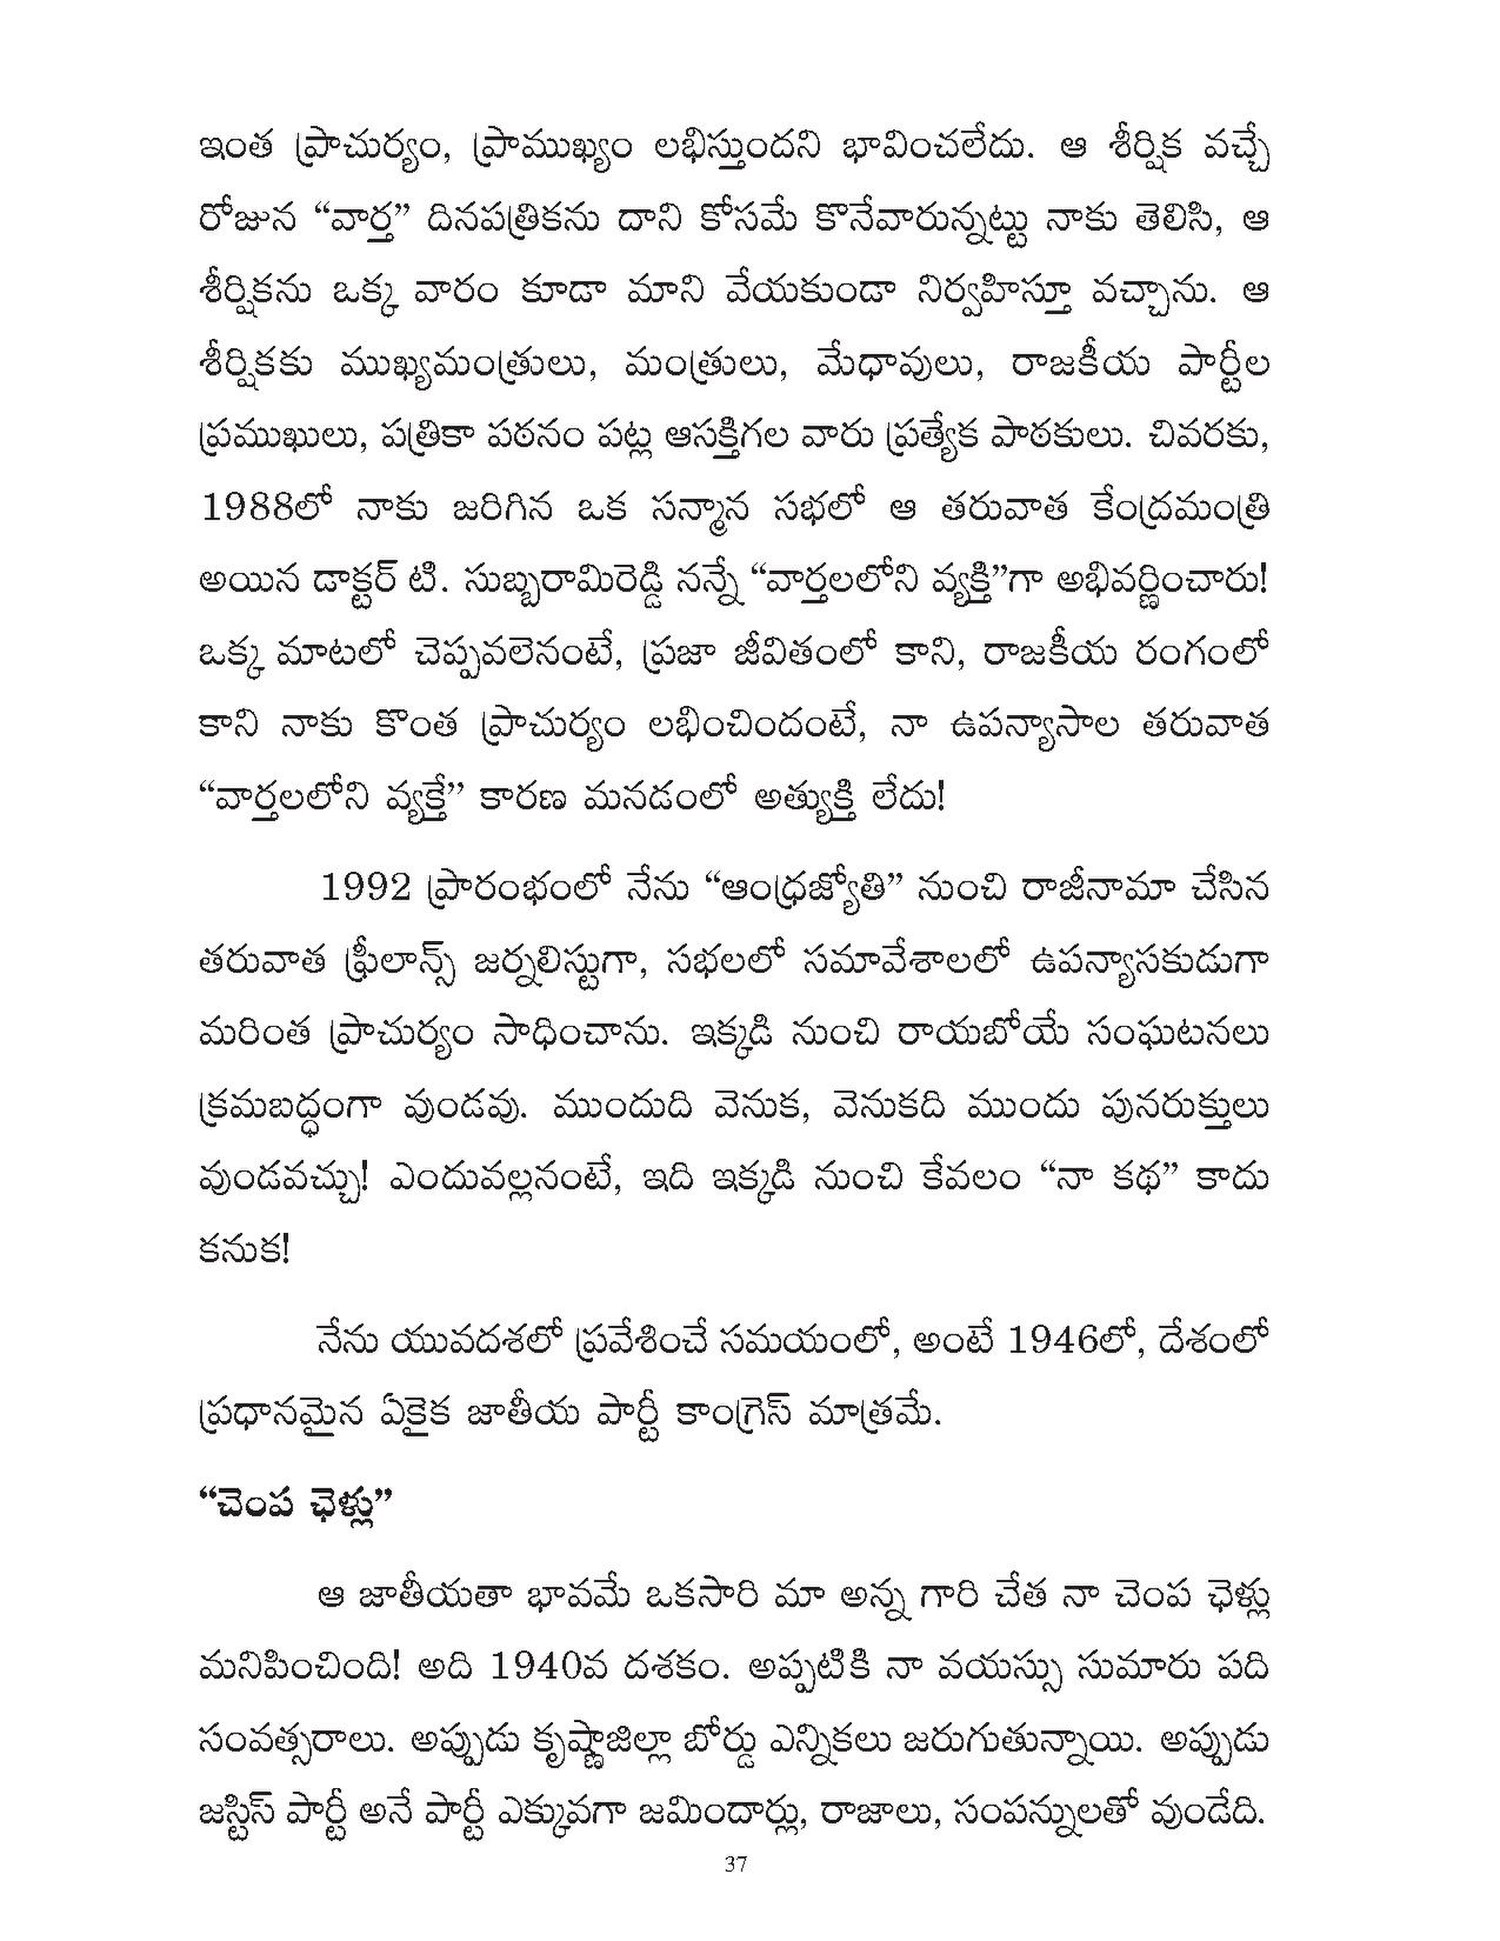ఇంత ప్రాచుర్యం, ప్రాముఖ్యం లభిస్తుందని భావించలేదు. ఆ శీర్షిక వచ్చే
రోజున "వార్త" దినపత్రికను దాని కోసమే కొనేవారున్నట్టు నాకు తెలిసి, ఆ
శీర్షికను ఒక్క వారం కూడా మాని వేయకుండ నిర్వహిస్తూ వచ్చాను. ఆ
శీర్షికకు ముఖ్యమంత్రులు, మంత్రులు, మేధావులు, రాజకీయ పార్టీల
ప్రముఖులు, పత్రికా పఠనం పట్ల ఆసక్తిగల వారు ప్రత్యేక పాఠకులు. చివరకు,
1988లో నాకు జరిగిన ఒక సన్మాన సభలో ఆ తరువాత కేంద్రమంత్రి
అయిన డాక్టర్ టి. సుబ్బరామిరెడ్డి నన్నే "వార్తలలోని వ్యక్తి"గా అభివర్ణించారు!
ఒక్క మాటలో చెప్పవలెనంటే, ప్రజా జీవితంలో కాని, రాజకీయ రంగంలో
కాని నాకు కొంత ప్రాచుర్యం లభించిందంటే, నా ఉపన్యాసాల తరువాత
"వార్తలలోని వ్యక్తే" కారణ మనడంలో అత్యుక్తి లేదు!

1992 ప్రారంభంలో నేను "ఆంధ్రజ్యోతి" నుంచి రాజీనామా చేసిన
తరువాత ఫ్రీలాన్స్ జర్నలిస్టుగా, సభలలో సమావేశాలలో ఉపన్యాసకుడుగా
మరింత ప్రాచుర్యం సాధించాను. ఇక్కడి నుంచి రాయబోయే సంఘటనలు
క్రమబద్ధంగా వుండవు. ముందుది వెనుక, వెనుకది ముందు పునరుక్తులు
వుండవచ్చు! ఎందువల్లనంటే, ఇది ఇక్కడి నుంచి కేవలం "నా కథ" కాదు
కనుక!

నేను యువదశలో ప్రవేశించే సమయంలో, అంటే 1946లో, దేశంలో
ప్రధానమైన ఏకైక జాతీయ పార్టీ కాంగ్రెస్‌ మాత్రమే.
"చెంప ఛెళ్లు"
ఆ జాతీయతా భావమే ఒకసారి మా అన్న గారి చేత నా చెంప ఛెళ్లు
మనిపించింది! అది 1940వ దశకం. అప్పటికి నా వయస్సు సుమారు పది
సంవత్సరాలు. అప్పుడు కృష్ణాజిల్లా బోర్డు ఎన్నికలు జరుగుతున్నాయి. అప్పుడు
జస్టిస్‌ పార్టీ అనే పార్టీ ఎక్కువగా జమిందార్లు, రాజాలు, సంపన్నులతో వుండేది.